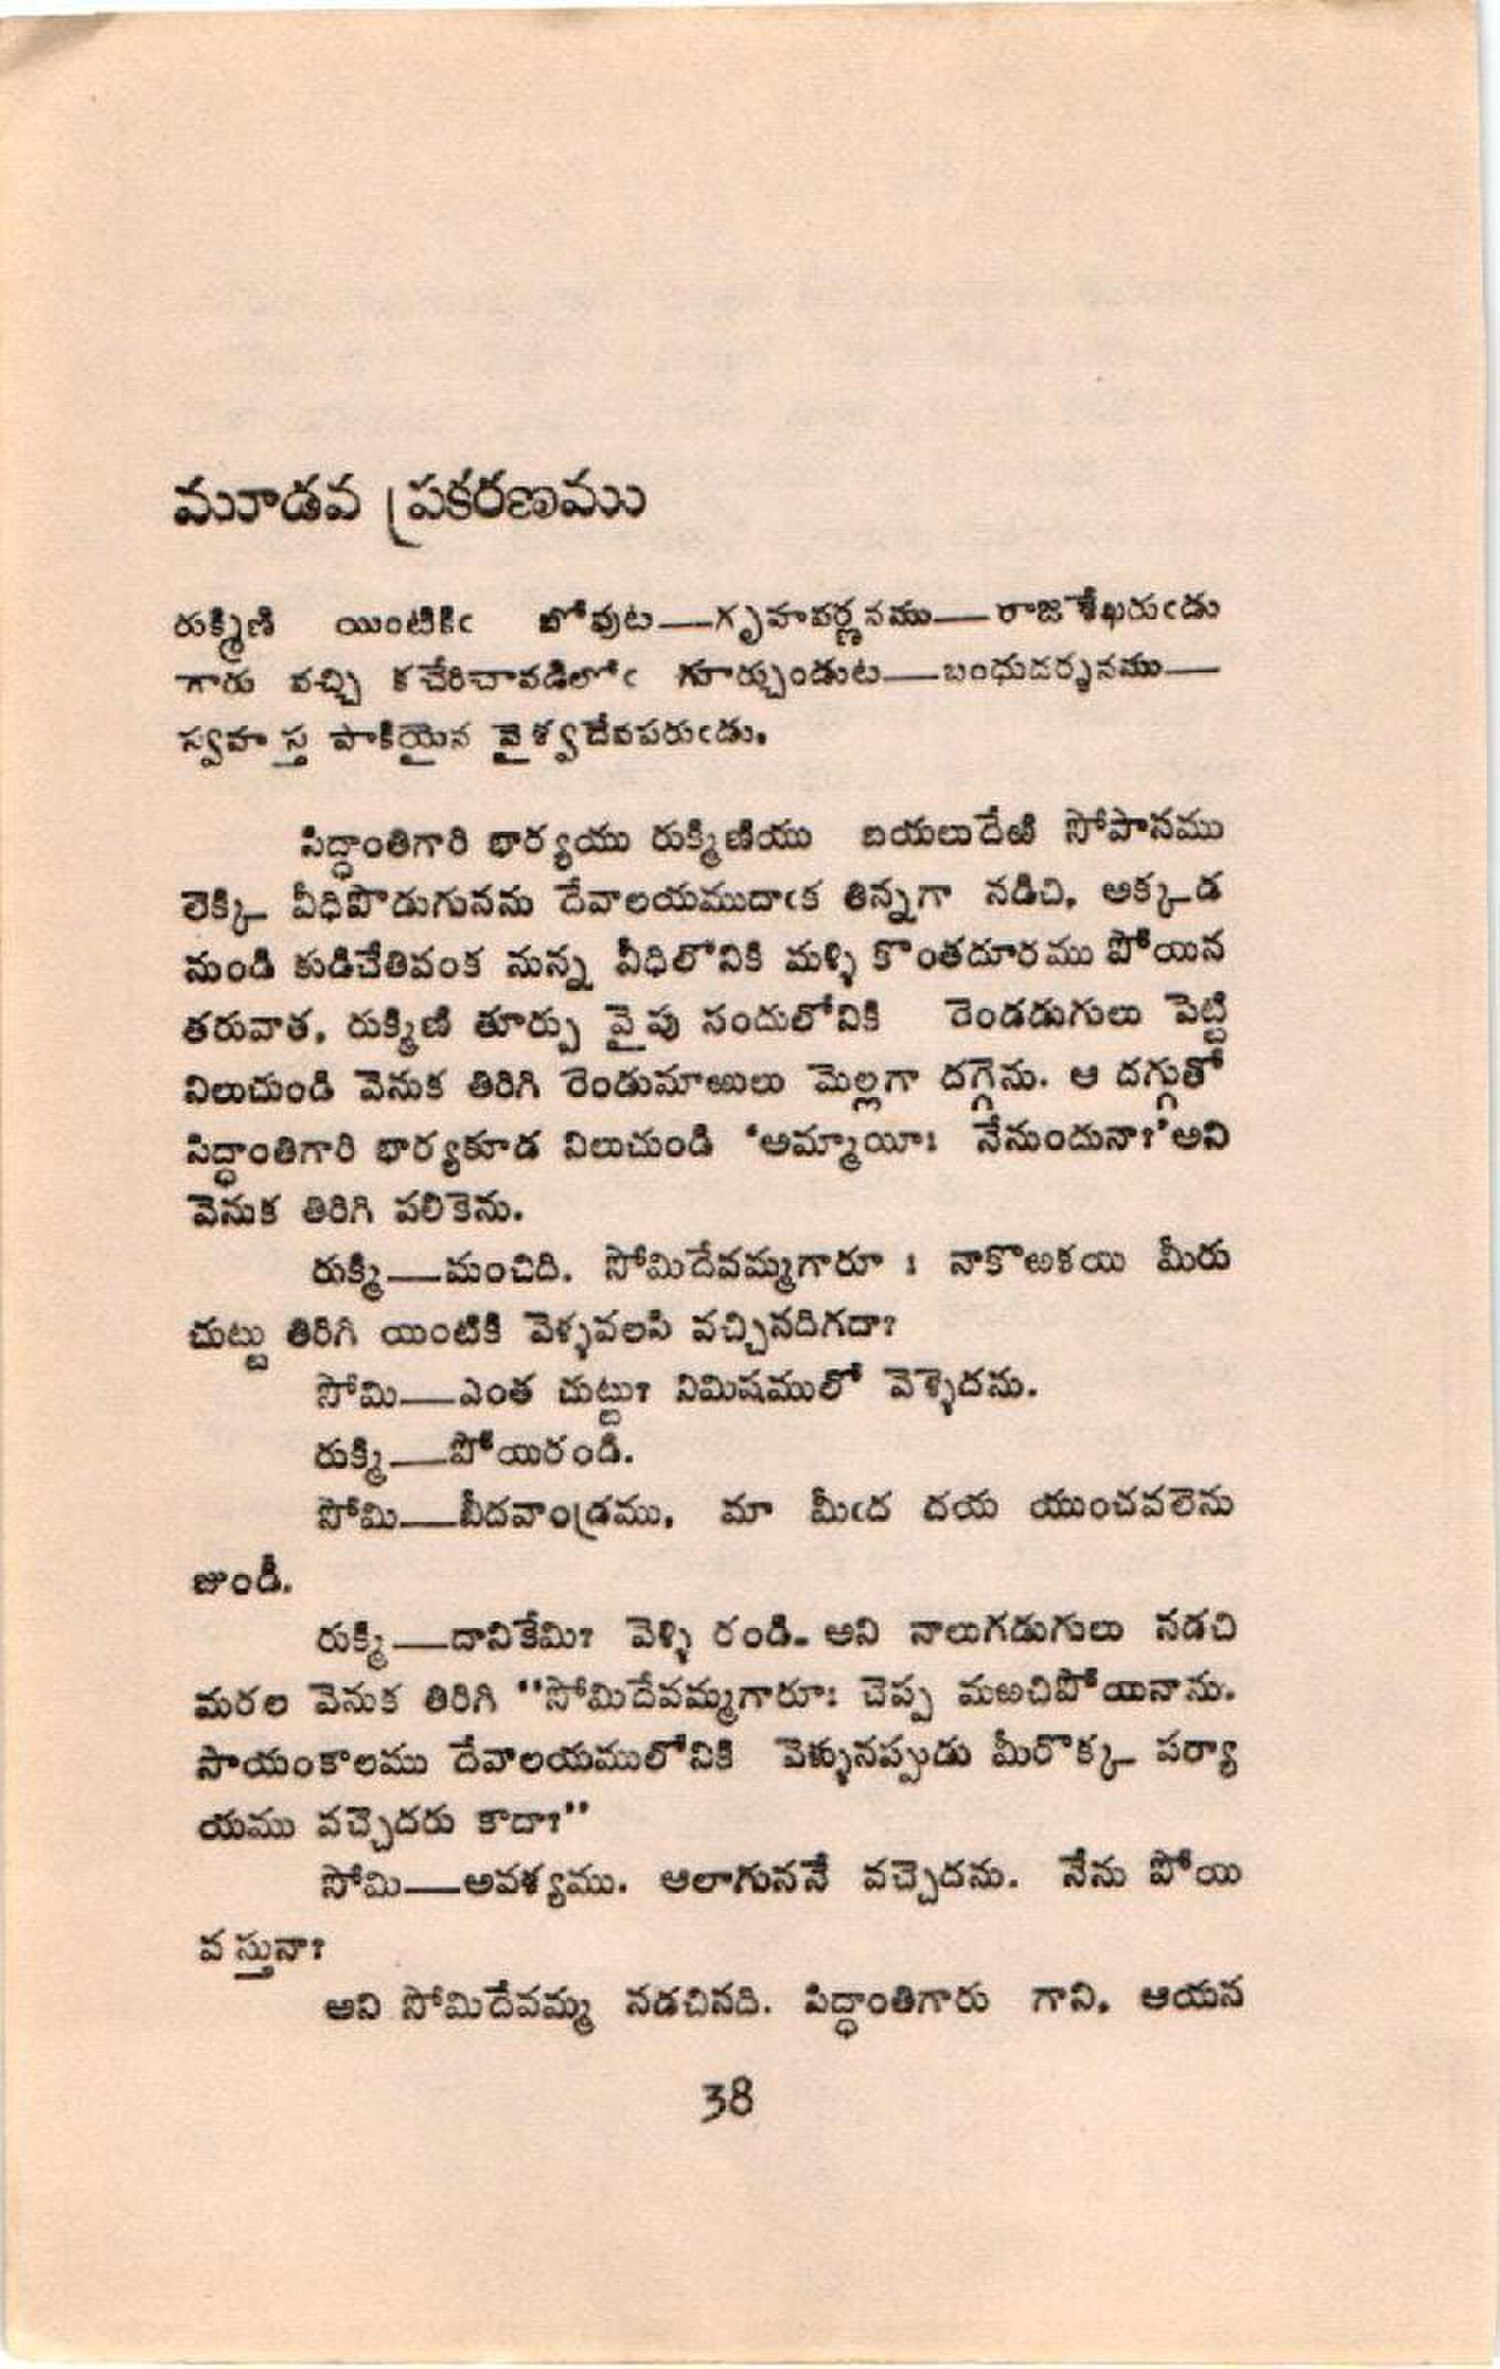మూడవ ప్రకరణము

సిద్ధాంతిగారి భార్యయు రుక్మిణియు బయలుదేఱి సోపానము లెక్కి వీధిపొడుగునను దేవాలయముదాఁక తిన్నగా నడిచి, అక్కడ నుండి కుడిచేతివంక నున్న వీధిలోనికి మళ్ళి కొంతదూరము పోయిన తరువాత, రుక్మిణి తూర్పు వైపు సందులోనికి రెండడుగులు పెట్టి నిలుచుండి వెనుక తిరిగి రెండుమాఱులు మెల్లగా దగ్గెను. ఆ దగ్గుతో సిద్ధాంతిగారి భార్యకూడ నిలుచుండి 'అమ్మాయీ! నేనుందునా!'ఆవి వెనుక తిరిగి పలికెను.

రుక్మి __మంచిది. సోమిదేవమ్మగారూ ! నాకొఱకయి మీరు చుట్టు తిరిగి యింటికి వెళ్ళవలసి వచ్చినదిగదా?

సోమి__ఎంత చుట్టు? నిమిషములో వెళ్ళెదను.

రుక్మి__పోయిరండి.

సోమి__బీదవాండ్రము, మా మీఁద దయ యుంచవలెను జుండీ.

రుక్మి__దానికేమి? వెళ్ళి రండి. అని నాలుగడుగులు నడచి మరల వెనుక తిరిగి "సోమిదేవమ్మగారూ! చెప్ప మఱచిపోయినాను. సాయంకాలము దేవాలయములోనికి వెళ్ళునప్పుడు మీరొక్క పర్యా యము వచ్చెదరు కాదా?" 

సోమి__అవశ్యము. ఆలాగుననే వచ్చెదను. నేను పోయి వస్తునా?

అని సోమిదేవమ్మ నడచినది. పిద్ధాంతిగారు గాని, ఆయన